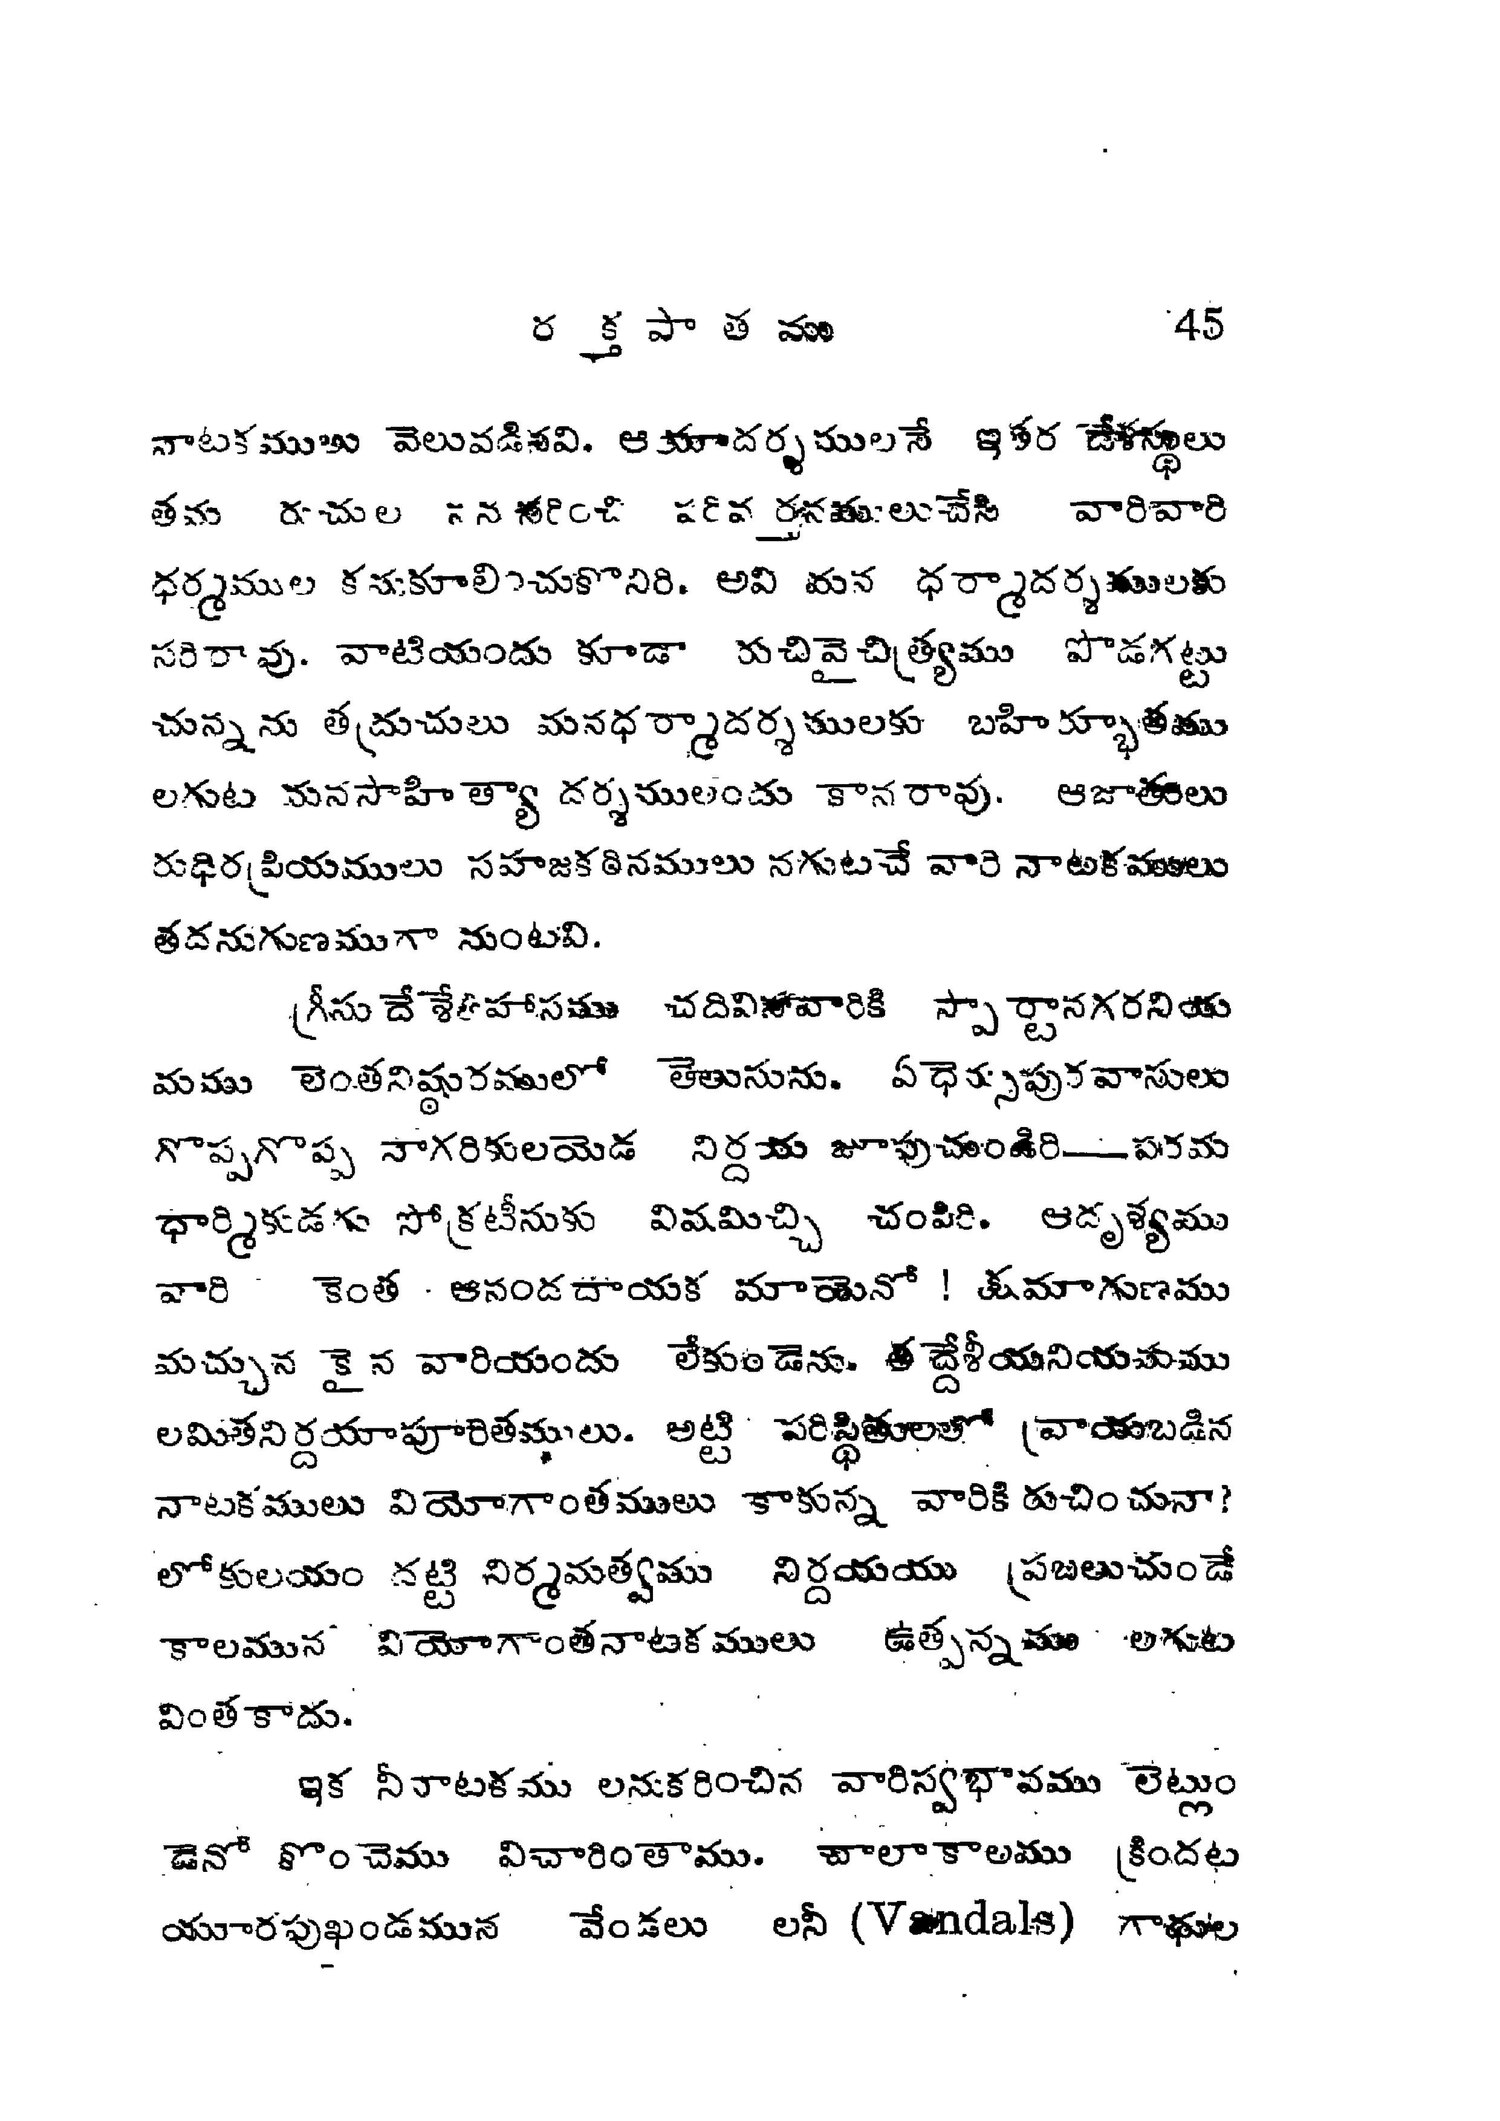నాటకములు వెలువడినవి. ఆయాదర్శములనే ఇతర దేశస్థులు తమ రుచుల ననుసరించి పరివర్తనములుచేసి వారివారి ధర్మముల కనుకూలించుకొనిరి. అవి మన ధర్మాదర్శములకు సరిరావు. వాటియందు కూడా రుచివైచిత్ర్యము పొడగట్టు చున్నను తద్రుచులు మనధర్మాదర్శములకు బహిర్భూతము లగుట మనసాహిత్యా దర్శములందు కానరావు. ఆజాతులు రుధిరప్రియములు సహజకఠినములు నగుటచే వారి నాటకములు తదనుగుణముగా నుంటవి.

గ్రీసుదేశేతిహాసము చదివినవారికి స్పార్టానగరనియమము లెంతనిష్ఠురములో తెలుసును. ఏధెన్సుపురవాసులు గొప్పగొప్ప నాగరికులయెడ నిర్దయ జూపుచుండిరి - పరమ ధార్మికుడగు సోక్రటీసుకు విషమిచ్చి చంపిరి. ఆదృశ్యము వారి కెంత ఆనందదాయక మాయెనో! క్షమాగుణము మచ్చున కైన వారియందు లేకుండెను. తద్దేశీయనియమము లమితనిర్దయాపూరితములు. అట్టి పరిస్థితులలో వ్రాయబడిన నాటకములు వియోగాంతములు కాకున్న వారికి రుచించునా? లోకులయం దట్టి నిర్మమత్వము నిర్దయము ప్రబలుచుండే కాలమున వియోగాంతనాటకములు ఉత్పన్నము లగుట వింతకాదు.

ఇక నీనాటకము లనుకరించిన వారిస్వభావము లెట్లుండెనో కొంచెము విచారింతము. చాలాకాలము క్రిందట యూరపుఖండమున వేండలు లనీ (Vandals) గాథుల